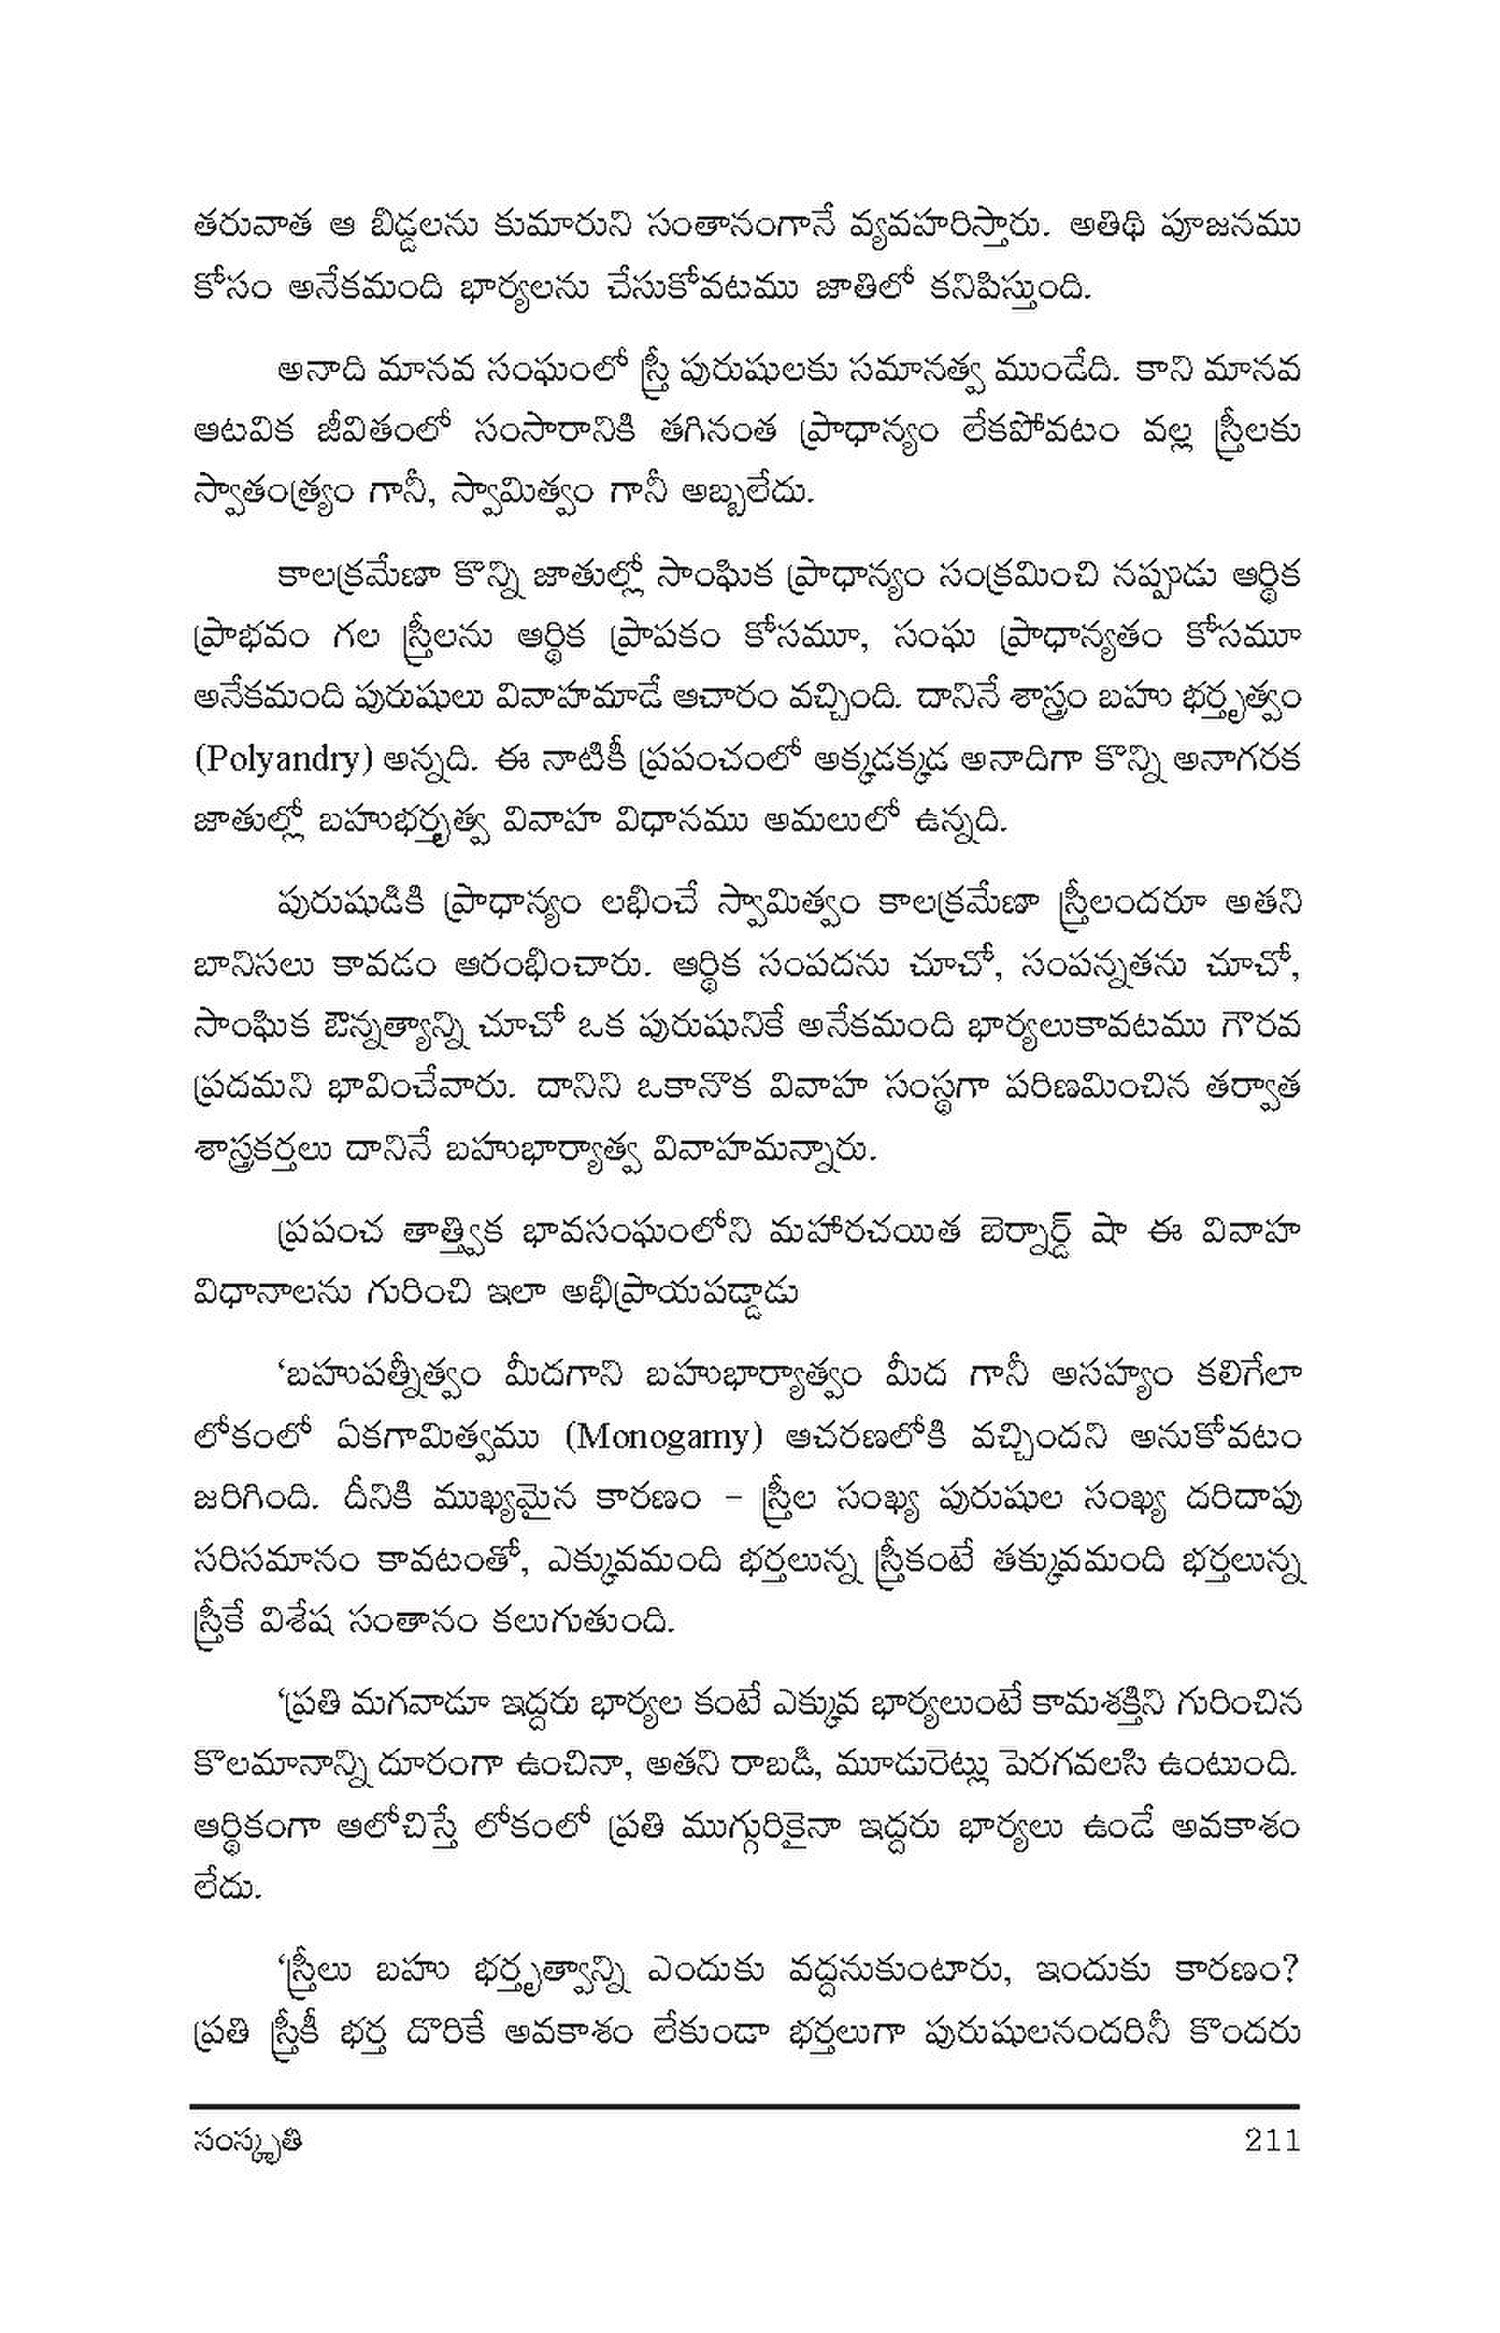తరువాత ఆ బిడ్డలను కుమారుని సంతానంగానే వ్యవహరిస్తారు. అతిథి పూజనము కోసం అనేకమంది భార్యలను చేసుకోవటము జాతిలో కనిపిస్తుంది.

అనాది మానవ సంఘంలో స్త్రీ పురుషులకు సమానత్వ ముండేది. కాని మానవ ఆటవిక జీవితంలో సంసారానికి తగినంత ప్రాధాన్యం లేకపోవటం వల్ల స్త్రీలకు స్వాతంత్య్రం గానీ, స్వామిత్వం గానీ అబ్బలేదు.

కాలక్రమేణా కొన్ని జాతుల్లో సాంఘిక ప్రాధాన్యం సంక్రమించి నప్పుడు ఆర్థిక ప్రాభవం గల స్త్రీలను ఆర్థిక ప్రాపకం కోసమూ, సంఘ ప్రాధాన్యతం కోసమూ అనేకమంది పురుషులు వివాహమాడే ఆచారం వచ్చింది. దానినే శాస్త్రం బహు భర్తృత్వం(Polyandry) అన్నది. ఈ నాటికీ ప్రపంచంలో అక్కడక్కడ అనాదిగా కొన్ని అనాగరక జాతుల్లో బహుభర్తృత్వ వివాహ విధానము అమలులో ఉన్నది.

పురుషుడికి ప్రాధాన్యం లభించే స్వామిత్వం కాలక్రమేణా స్త్రీలందరూ అతని బానిసలు కావడం ఆరంభించారు. ఆర్థిక సంపదను చూచో, సంపన్నతను చూచో,సాంఘిక ఔన్నత్యాన్ని చూచో ఒక పురుషునికే అనేకమంది భార్యలుకావటము గౌరవప్రదమని భావించేవారు. దానిని ఒకానొక వివాహ సంస్థగా పరిణమించిన తర్వాత శాస్త్రకర్తలు దానినే బహుభార్యాత్వ వివాహమన్నారు.

ప్రపంచ తాత్త్విక భావసంఘంలోని మహారచయిత బెర్నార్డ్ షా ఈ వివాహ విధానాలను గురించి ఇలా అభిప్రాయపడ్డాడు.

'బహుపత్నీత్వం మీదగాని బహుభార్యాత్వం మీద గానీ అసహ్యం కలిగేలా లోకంలో ఏకగామిత్వము (Monogamy) ఆచరణలోకి వచ్చిందని అనుకోవటం జరిగింది. దీనికి ముఖ్యమైన కారణం - స్త్రీల సంఖ్య పురుషుల సంఖ్య దరిదాపు సరిసమానం కావటంతో, ఎక్కువమంది భర్తలున్న స్త్రీకంటే తక్కువమంది భర్తలున్న స్త్రీకే విశేష సంతానం కలుగుతుంది.

‘ప్రతి మగనాడూ ఇద్దరు భార్యల కంటే ఎక్కువ భార్యలుంటే కామశక్తిని గురించిన కొలమానాన్ని దూరంగా ఉంచినా, అతని రాబడి, మూడురెట్లు పెరగవలసి ఉంటుంది.ఆర్థికంగా ఆలోచిస్తే లోకంలో ప్రతి ముగ్గురికైనా ఇద్దరు భార్యలు ఉండే అవకాశం లేదు.

'స్త్రీలు బహు భర్తృత్వాన్ని ఎందుకు వద్దనుకుంటారు, ఇందుకు కారణం? ప్రతి స్త్రీకీ భర్త దొరికే అవకాశం లేకుండా భర్తలుగా పురుషులనందరినీ కొందరు